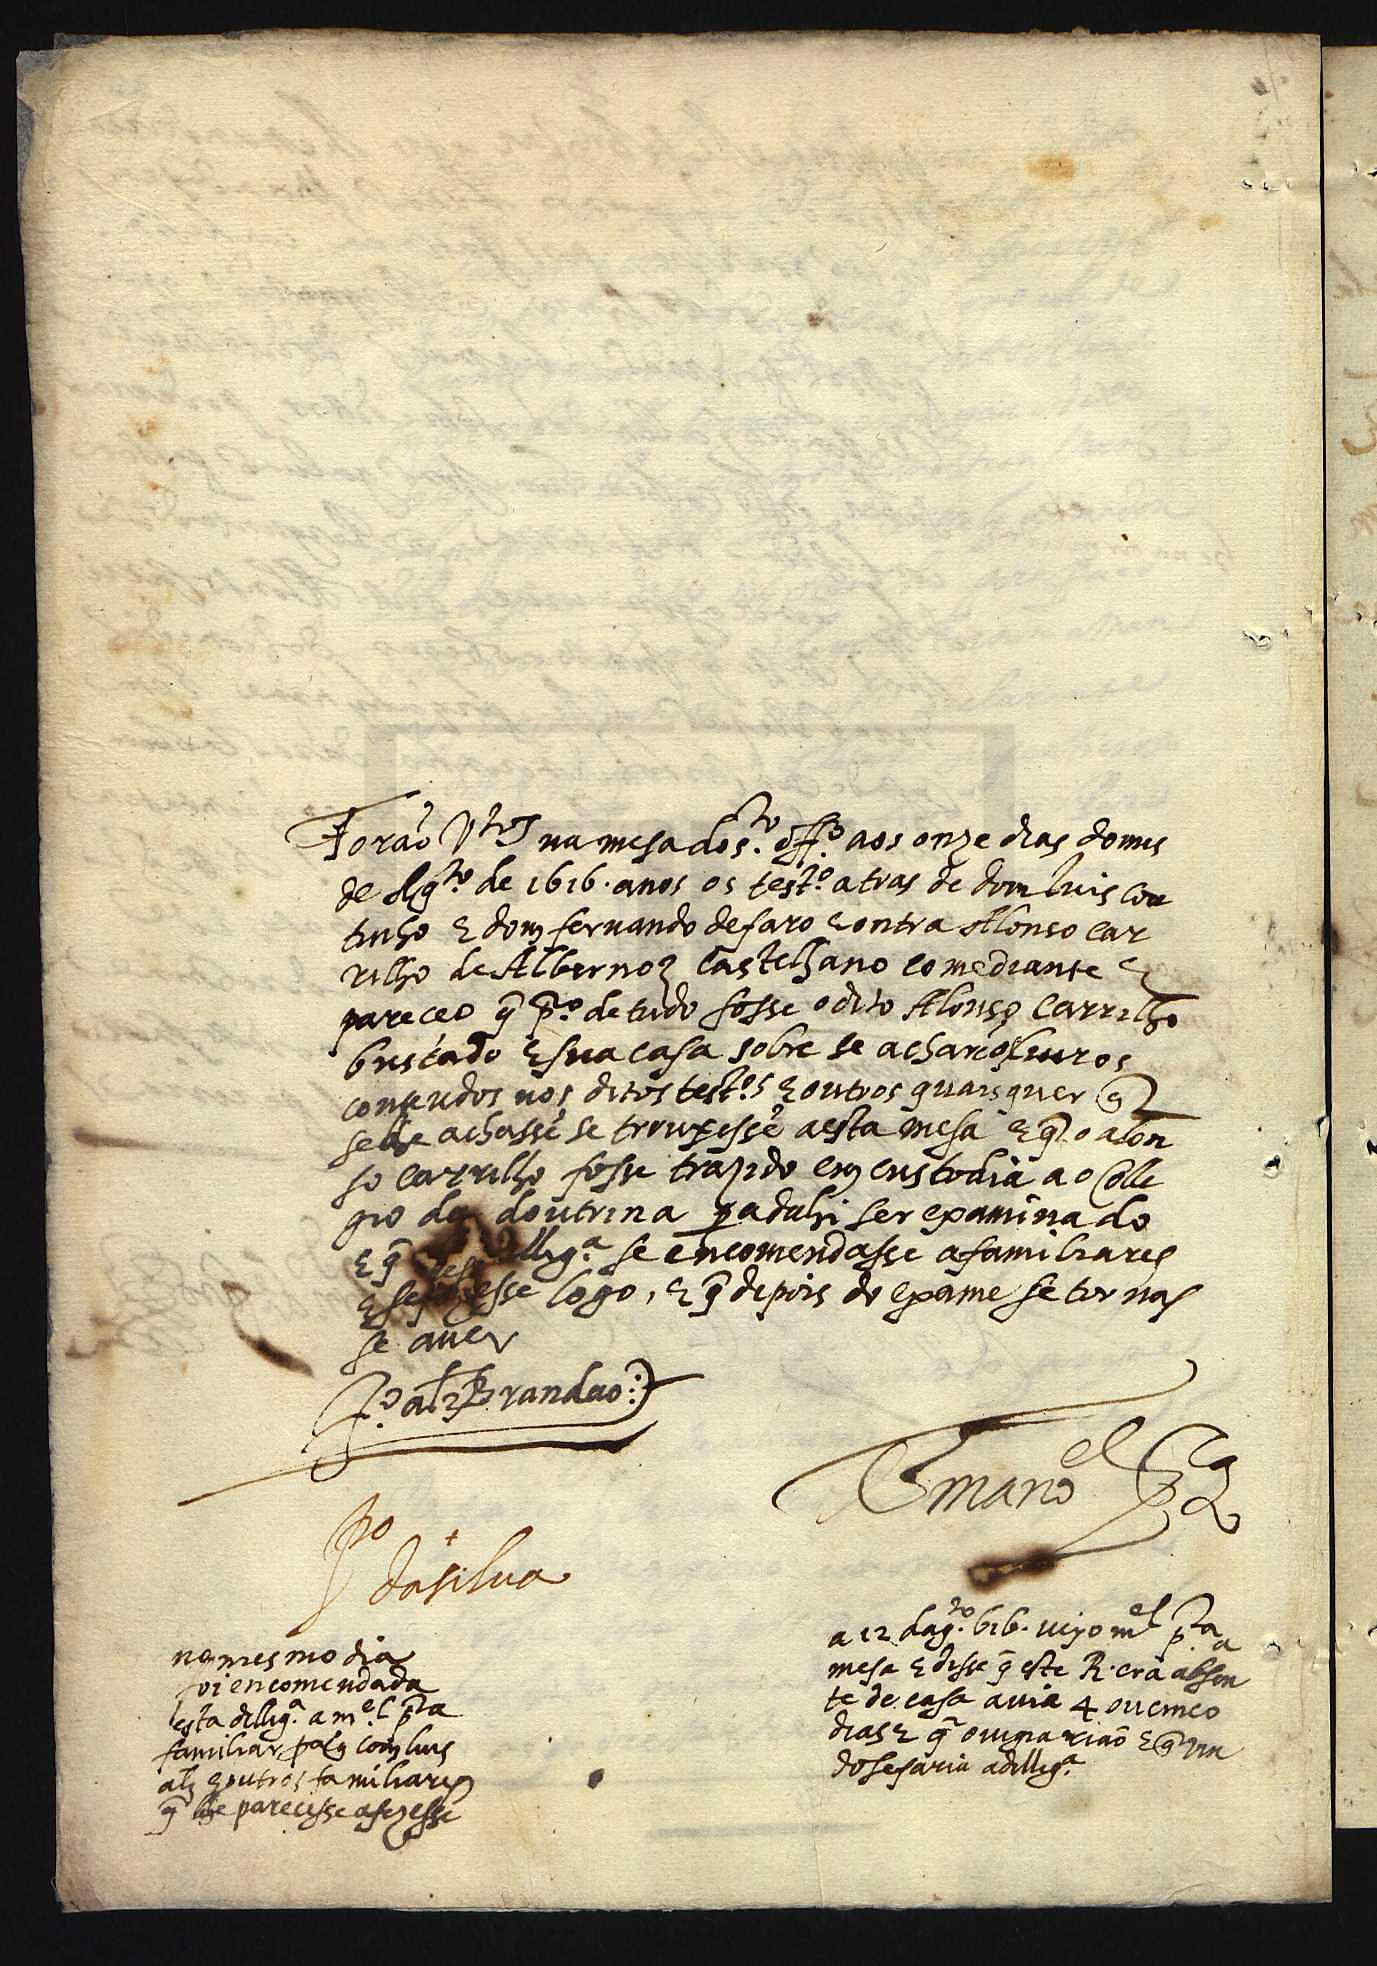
Foraõ Vtos na mesa do s.to offo. aos onze dias do mes
de Ag.to de 1616. anos os test.o atras de dom luis cou
tinho E dom fernando de faro contra Alonso car
rilho de Albernoz castelhano comediante E
pareceo q̄ p.ro de tudo fosse o dito Alonso Carrilho
buscado E sua casa sobre se acharē os liuros
conteudos nos ditos test.os E outros quaisquer q̄
se lhe achassē se trouxessē a esta mesa E q̄ o alon
so carrilho fosse trazido em custodia ao Colle
gio da doutrina ꝑa dahi ser examinado
E q̄
ellig.a se encomendasse a familiares
E se fizesse logo, E q̄ depois do exame se tornas
se a uer
J.o al̄z Brandaõ.
dō manoel pra
Po da silua
a 12 dag.to 616. ueyo mel p.ra a
mesa E disse q̄ este R. era absen
te de casa auia 4 ou cinco
dias E q̄ o uigiariaõ E q̄ vin
do se faria a dillig.a
no mesmo dia
foi encomendada
esta dillig.a a m.el pra
familiar ꝑa q̄ com luis
al̄z E outros familiares
q̄ lhe parecesse a fezessē
